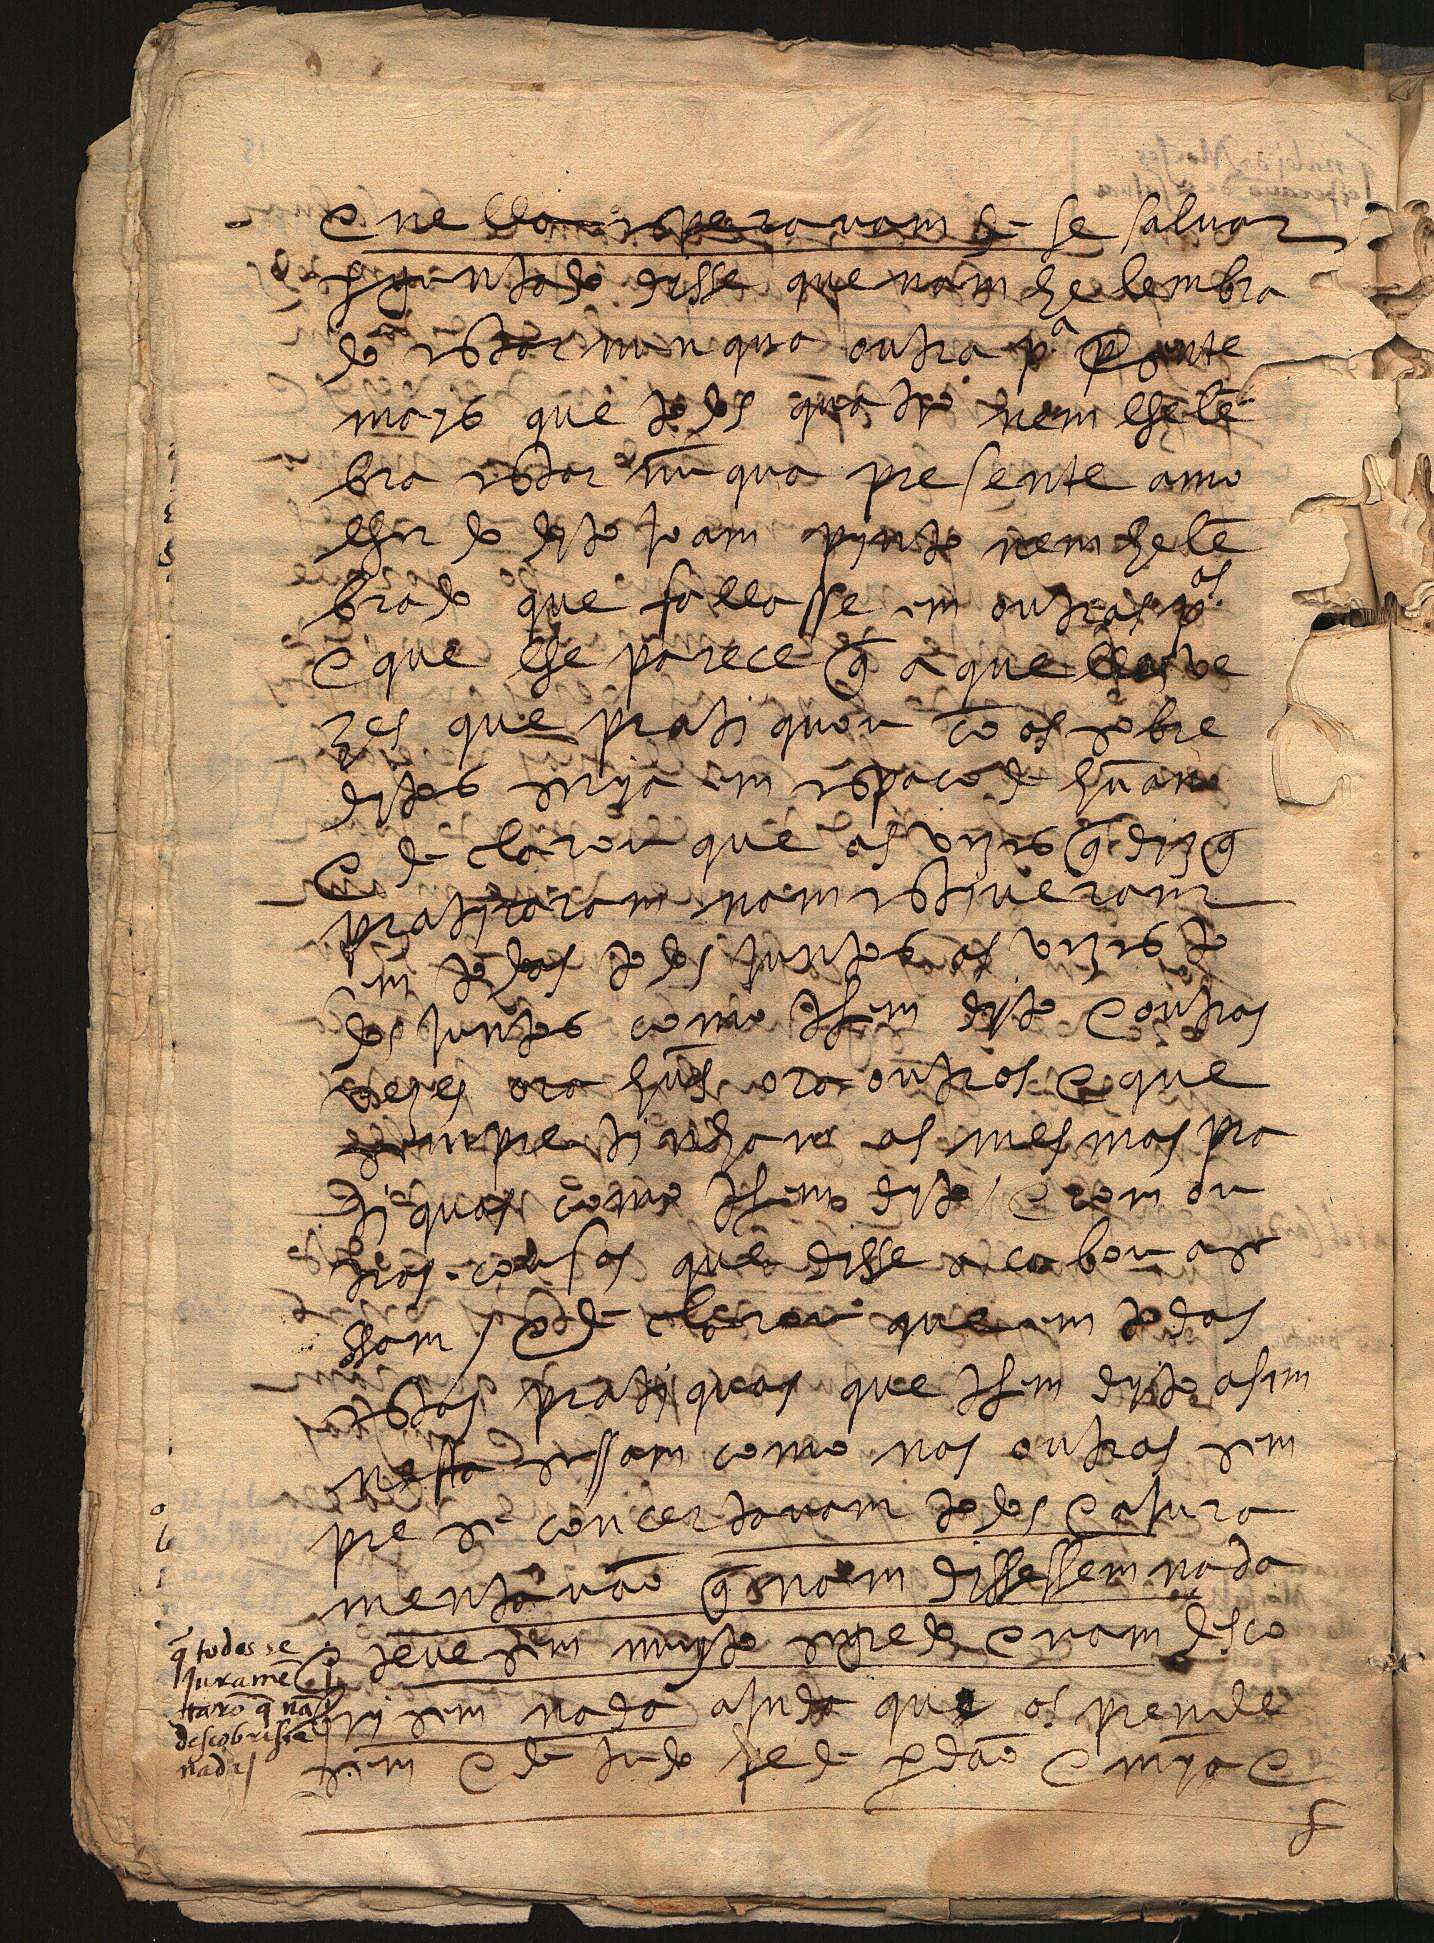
e nella esperauam de se saluar
ꝑguntado disse que nam he lembra
do estar nunqua outra pa p̄sente
mays que todos quatro nem lhe lē
bra estar nūqua presente a mo
lher do dyto Joam pynto nem he lē
brado que fallase em outras pas.
e que lhe parece q̄ aquellas ve
zes que pratjquou cō os sobre
dytos serya em espaço de hū ano
e declarou que as vezes q̄ dyz q̄
pratycaram nam estjueram
em todas todos Juntos as vezes to
dos Juntos como them dyto e outras
vezes ora hūs ora outros e que
sempre tynham as mesmas pra
tjquas como them dyto / e com ou
tras cousas que disse acabou a se
ssam / e declarou que em todas
estas pratjquas que them dyto asim
nesta sessam como nas outras sem
pre se concertauam todos e aJura
mentauão q̄ nam dyssessem nada
e teuesem muyto segredo e nam desco
brysem nada aJnda que os prende
sem e de tudo pede ꝑdão e mȳa e
q̄ todos se
Juramē
tarō q̄ nā
descobrissē
nada/
